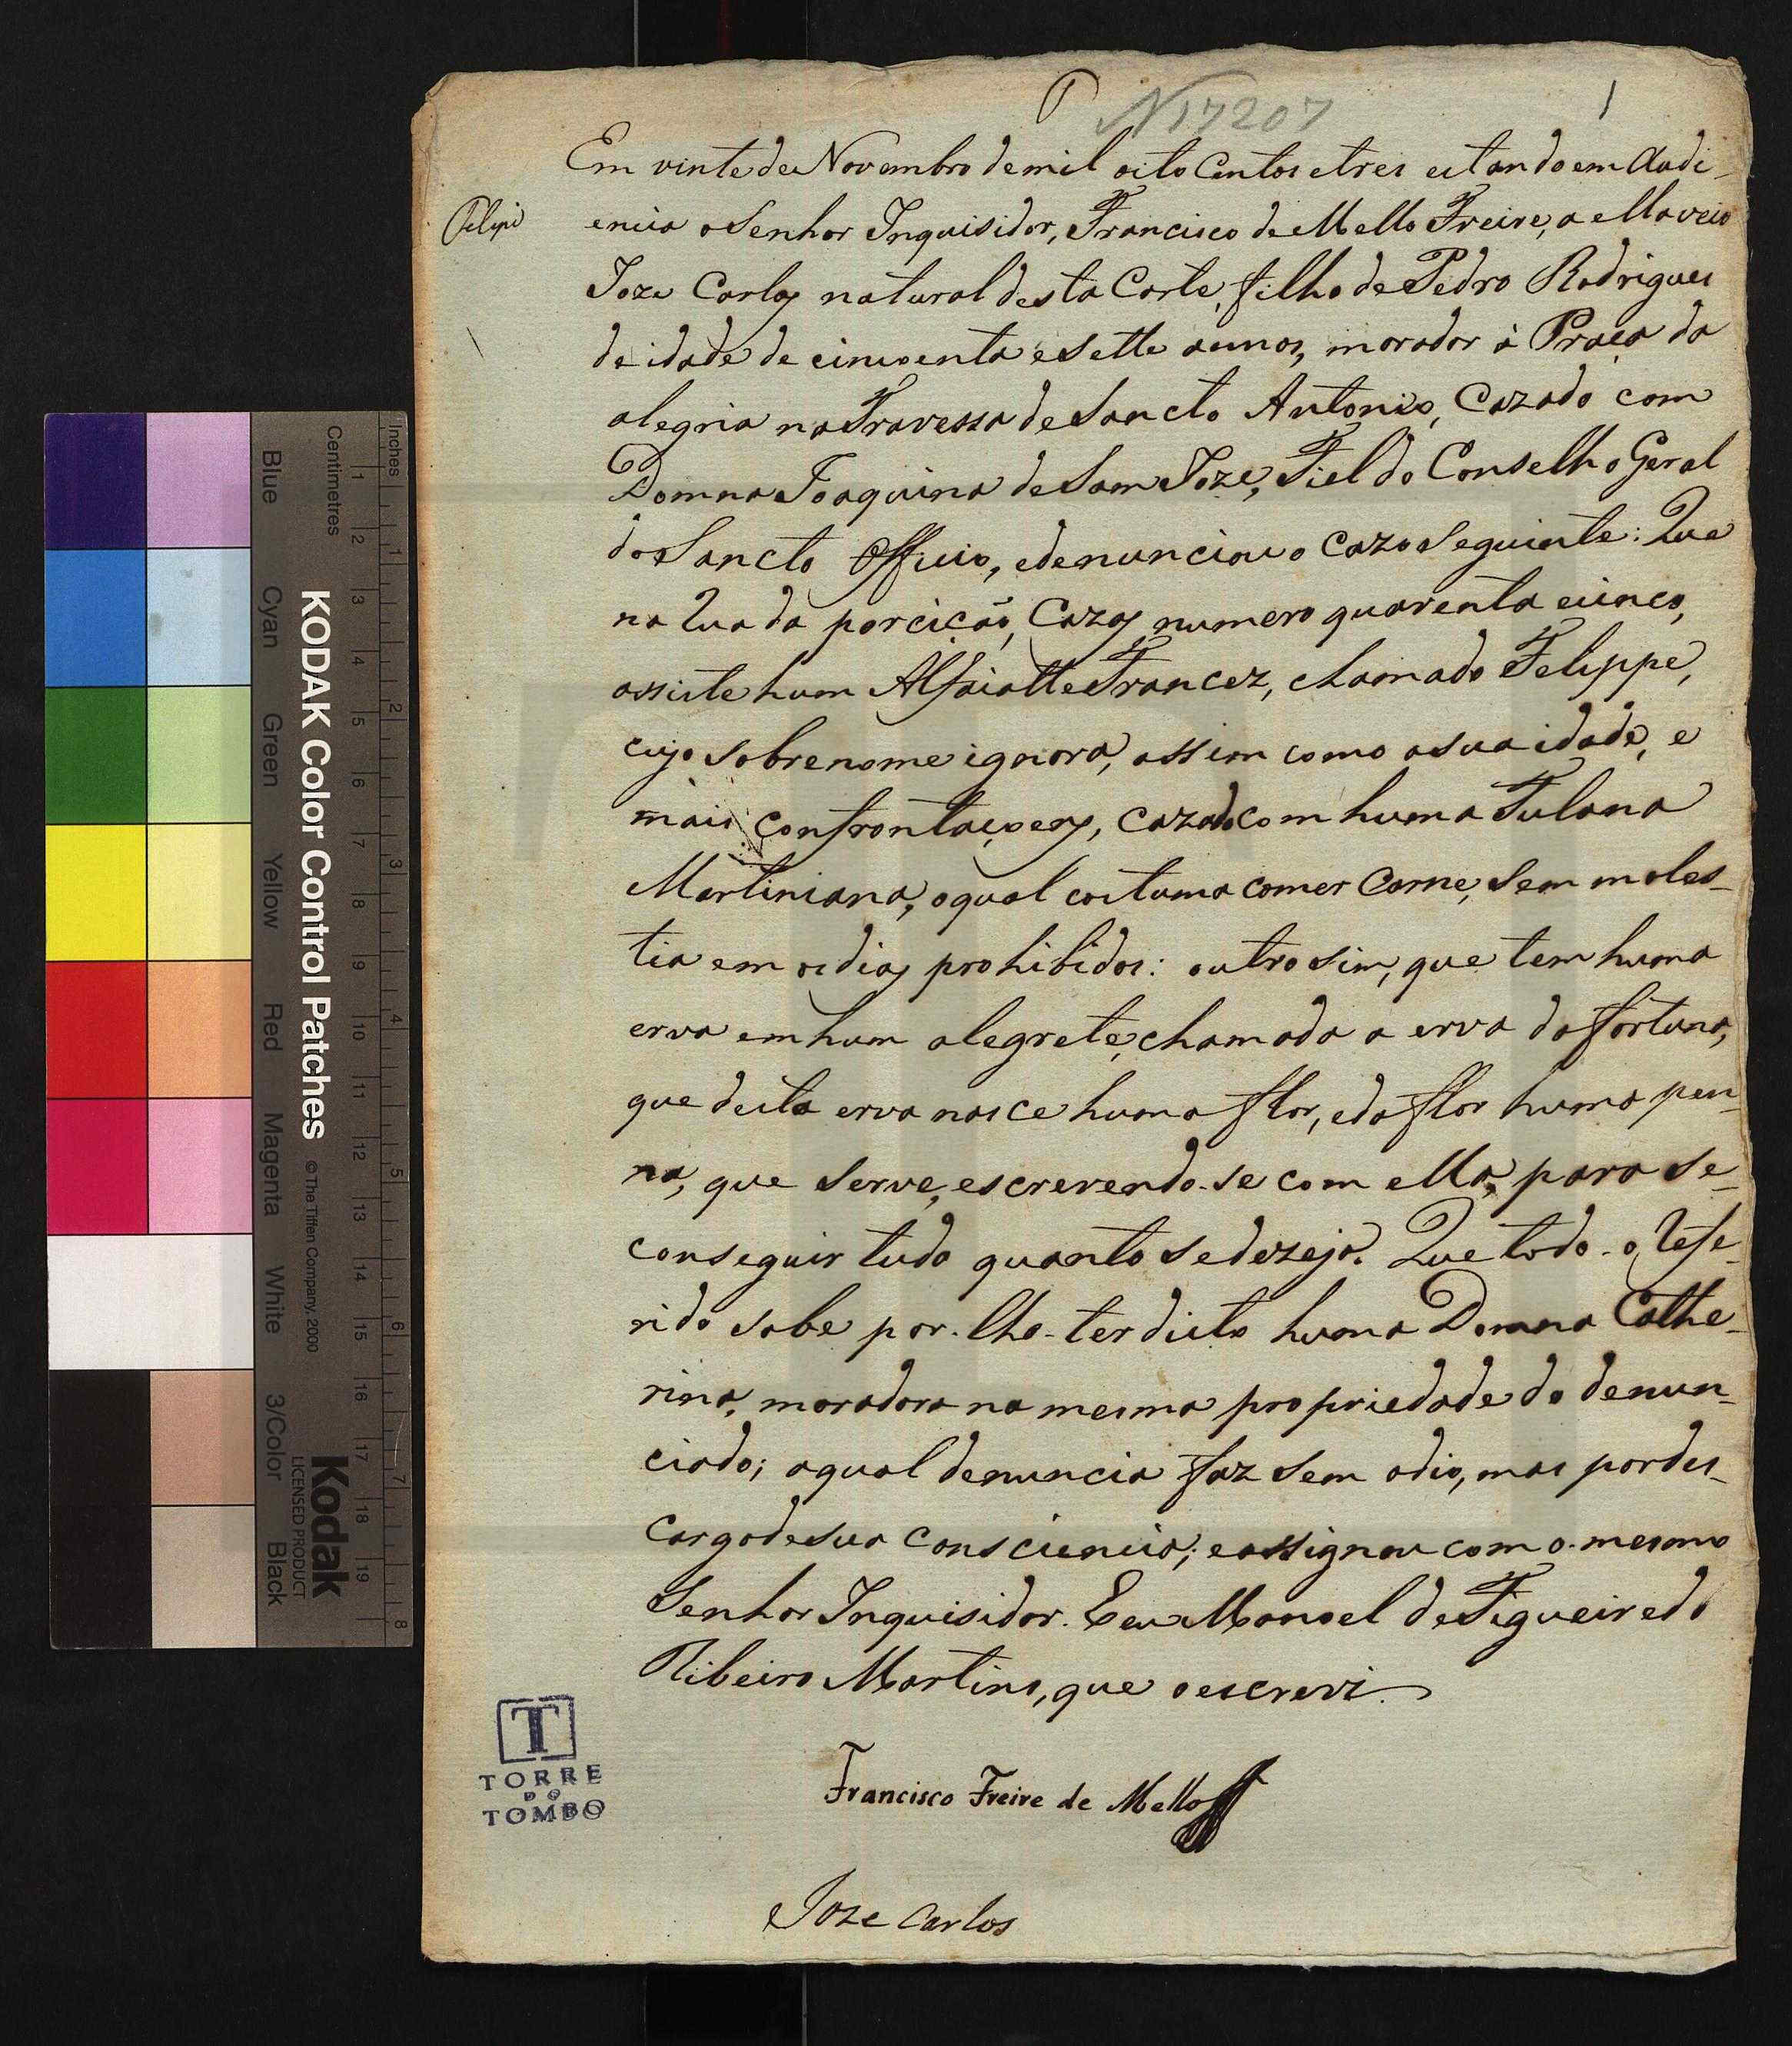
F
Em vinte de Novembro de mil oitocentos e tres estando em audi
Felipe
encia o Senhor Inquisidor, Francisco de Mello Freire, a ella veio
Ioze Carlos, natural desta Corte, filho de Pedro Rodrigues
de idade de cincoenta e sette annos, morador à Praça da
alegria na Travessa de Sancto Antonio, Cazado com
Domna Ioaquina de Sam Ioze, Fiel do Conselho Geral
do Sancto Officio, e denunciou o cazo seguinte: Que
na Rua da porciçaõ Cazas numero quarenta e cinco,
assiste hum Alfaiatte Francez, chamado Felippe,
cujo sobrenome ignora, assim como a sua idade, e
mais confrontaçoens, cazado com huma Fulana
Martiniana, o qual costuma comer carne, sem moles
tia em os dias prohibidos: outrosim, que tem huma
erva em hum alegrete, chamada a erva da fortuna,
que desta erva nasce huma flor, e da flor huma pen
na, que serve, escrevendo-se com ella, para se
conseguir tudo quanto se dezeja. Que todo o refe
rido sabe por lho-ter dicto huma Domna Cathe
rina, moradora na mesma propriedade do denun
ciado; a qual denuncia faz sem odio, mas por des
cargo de sua consciencia; e assignou com o mesmo
Senhor Inquisidor. E eu Manoel de Figueiredo
Ribeiro Martins, que o escrevi.
Francisco Freire de Mello
Ioze Carlos
